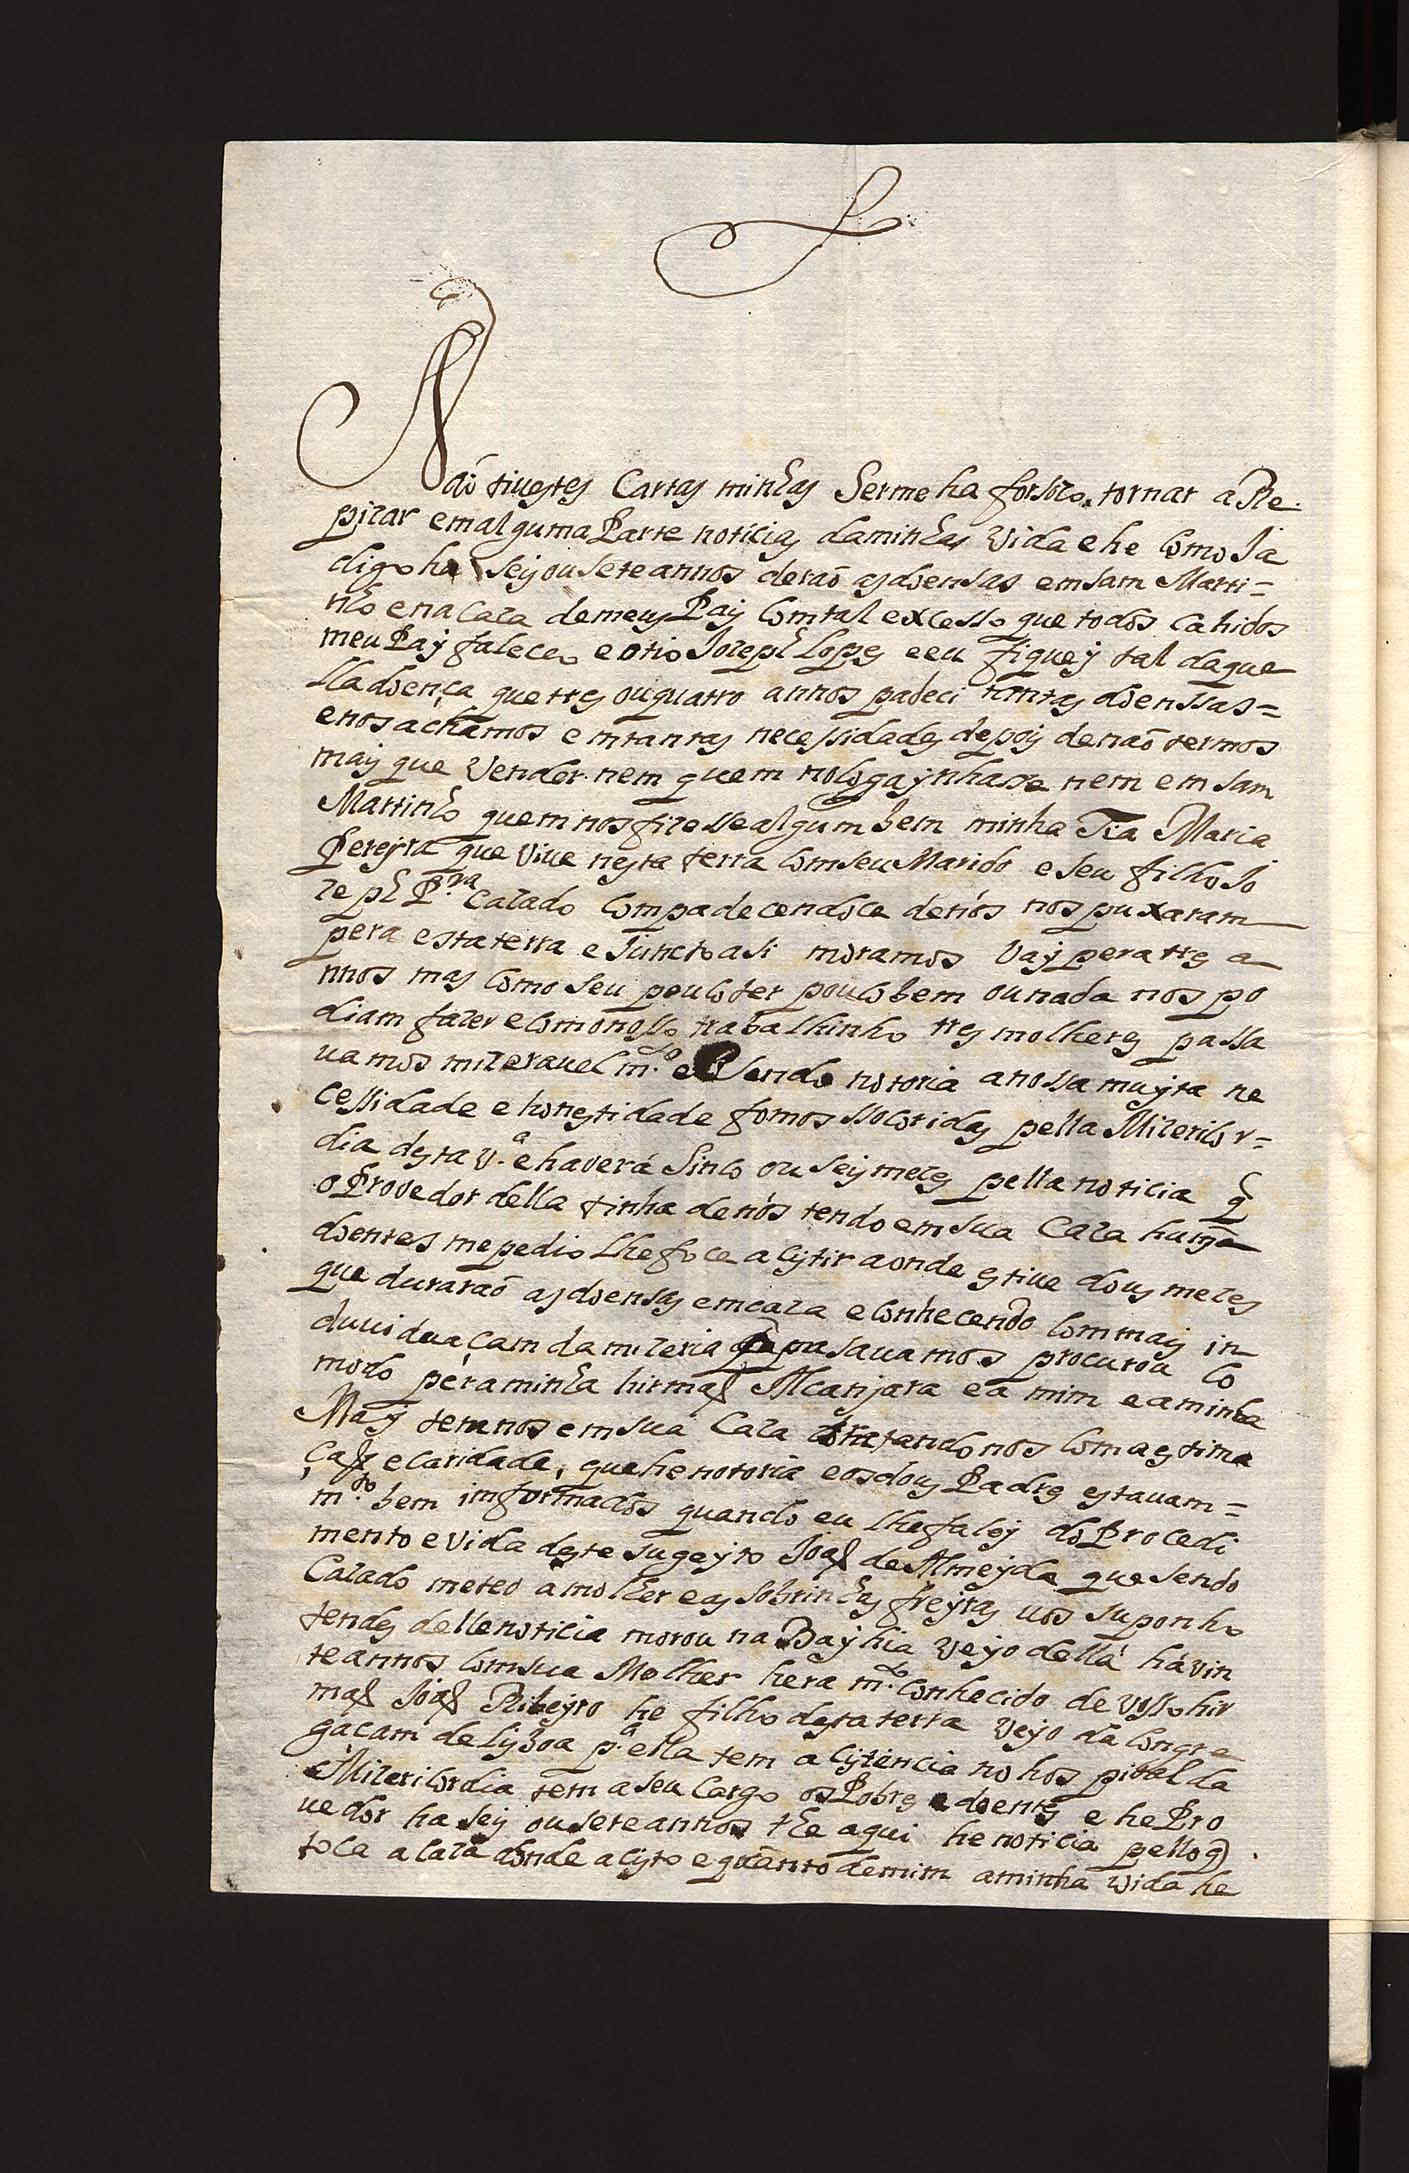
Naõ tiuestes Cartas minhas Ser me ha forsozo. tornar a Re
pizar em alguma Parte noticias da minhas vida e he como Ia
digo ha seis ou sete annos de taõ as doensas em sam Marti
nho e na caza de meus Pay com tal excesso que todos cahidos
meu Pay faleceo e o tio Iozeph Lopes e eu fiquey tal daque
lla doença que tres ou quatro annos padeci tantas doenssas
e nos achamos em tantas necessidades depois de naõ termos
mais que vender nem quem nolo gaynhasse nem em sam
Martinho quem nos fizesse algum bem minha Tia Maria
Pereyra que viue nesta terra com seu Marido e seu filho Io
zeph P.ra cazado compadecendoce de nós nos puxaram
pera esta terra e Iuncto a si moramos vay pera tres a
nnos mas como seu pouco ter pouco bem ou nada nos po
diam fazer e com o nosso trabalhinho tres molheres passa
uamos mizerauelm.te e Sendo notoria a nossa muyta ne
cessidade e honestidade fomos ssocoridas pella Mizericor
dia desta v.a e haverá Sinco, ou seis mezes pella noticia q̄
o Provedor della tinha de nós tendo em sua caza hum̄s
doentes me pedio lhe foce acistir aonde estiue dous mezes
que duraraõ as doensas em caza e conhecendo com mais in
duuiduaçam da mizeria q̄ pasauamos procurou Co
modo, pera minha hirmā Alcatijara e a mim e a minha
May setanos em sua caza e tratando nos com a estima
çaõ e caridade, que he notoria e os dous Padres estauam
m.to bem imformados quando eu lhe faley do Procedi
mento e vida deste sugeyto Ioaõ de Almeyda que sendo
Cazado meteo a molher e as sobrinhas freytas uos suponho
tendes delle noticia morou na Bayhia veyo dellá há vin
te annos com sua Molher hera m.to conhecido de vosso hir
maõ Ioaõ Ribeyro he filho desta terra veyo da Congre
gaçam de Lisboa p.a ella tem acistencia no hospital da
Mizericordia tem a seu Cargo os Pobres e doentes e he Pro
uedor ha seis ou sete annos the aqui he noticia pello q̄
toca a caza donde acisto e quānto de mim a minha uida he
